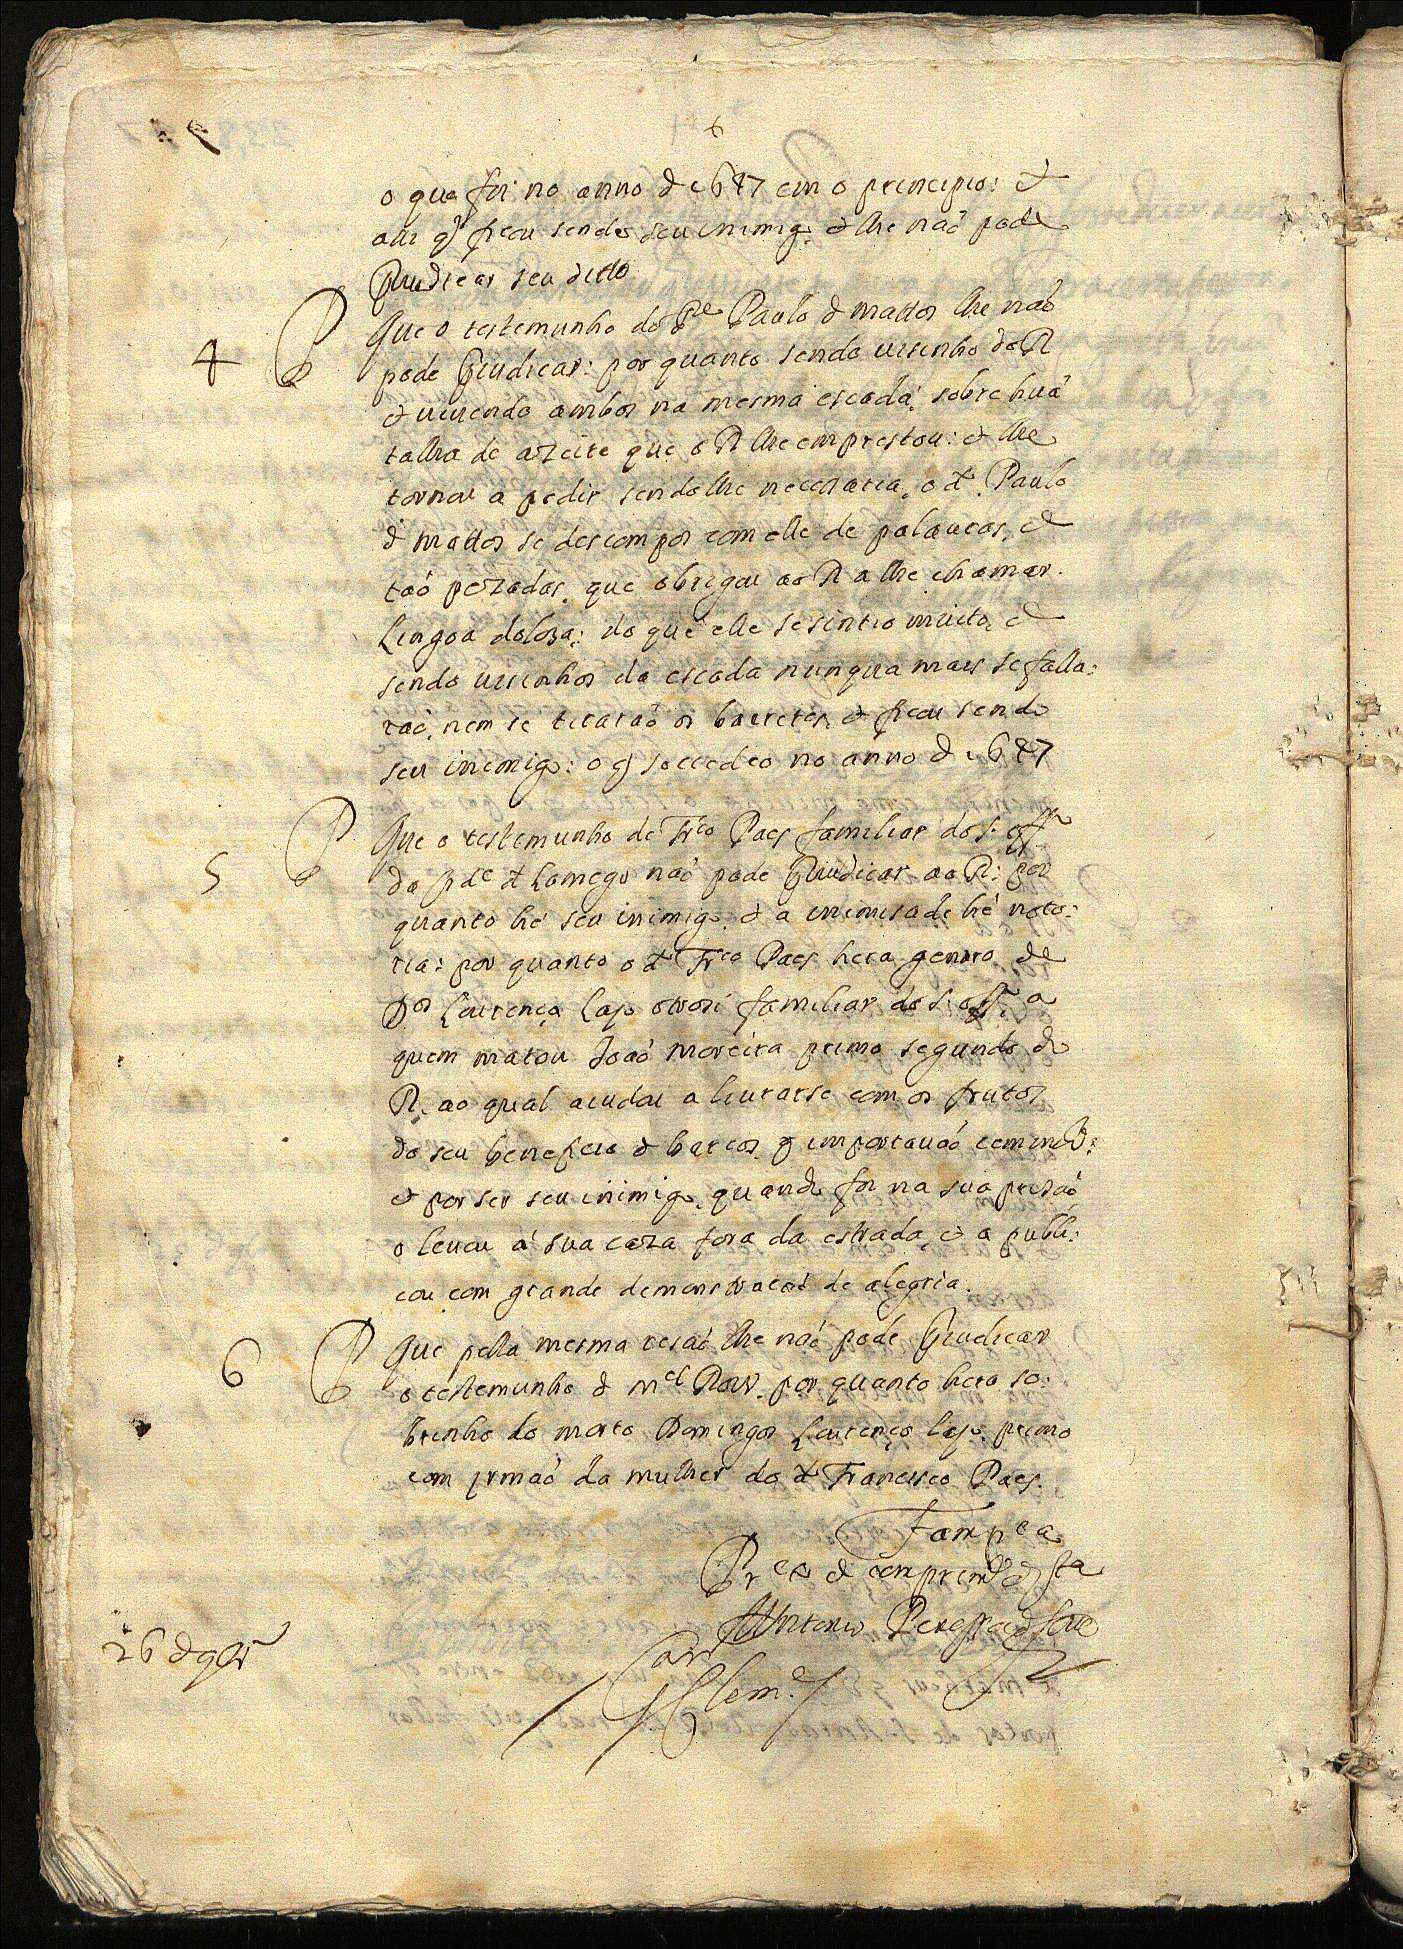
o que foi no anno de 647 em o principio: &
asi q̄ ficou sendo seu inimigo & lhe naõ pode
p̄iudicar seu ditto
P que o testemunho do Pe Paulo d mattos lhe naõ
pode p̄iudicar: porquanto sendo uisinho do R
4
& uiuendo ambos na mesma escada: sobre huā
talha de azeite que o R lhe emprestou: & lhe
tornou a pedir sendolhe necesaria, o d̄ Paulo
d mattos se descompos com elle de palauras, &
taõ pezadas que obrigou ao R a lhe chamar
lingoa doloza: do que elle se sintio muito, &
sendo uisinhos da escada nunqua mais se falla
raõ, nem se tiraraõ os barretes, & ficou sendo
seu inemigo: o q̄ soccedeo no anno de 1647
P que o testemunho de Frco Paes familiar do s. offo
da Cide d̄ Lamego naõ pode preudicar ao R. por
5
quanto he seo inimigo e a inimisade hè noto
ria: porquanto o d̄ Frco Paes hera genrro de
D.os Lourenço Lajo otrosi familiar do s. off.o a
quem matou Ioaõ moreira primo segundo do
R. ao qual aiudou a liurarse com os frutos
do seu beneficio d barcos q̄ emportauaõ comendo:
& por ser seu inimigo, quando foi na sua prizaõ
o leuou à sua caza fora da estrada, & a publi
cou com grande demonstraçaõ de alegria.
P que pella mesma resaõ lhe naõ pode p̄iudicar
6
o testemunho d M.el Roiz̄ porquanto hej
brinho do morto Domingos Lourenço lajo, primo
com jrmaõ da mulher do d̄ Francisco Paes.
Fam pca
Preso d comprimto desta
Antonio Perejra d
26 d 9bro
G.ar Clem.e
